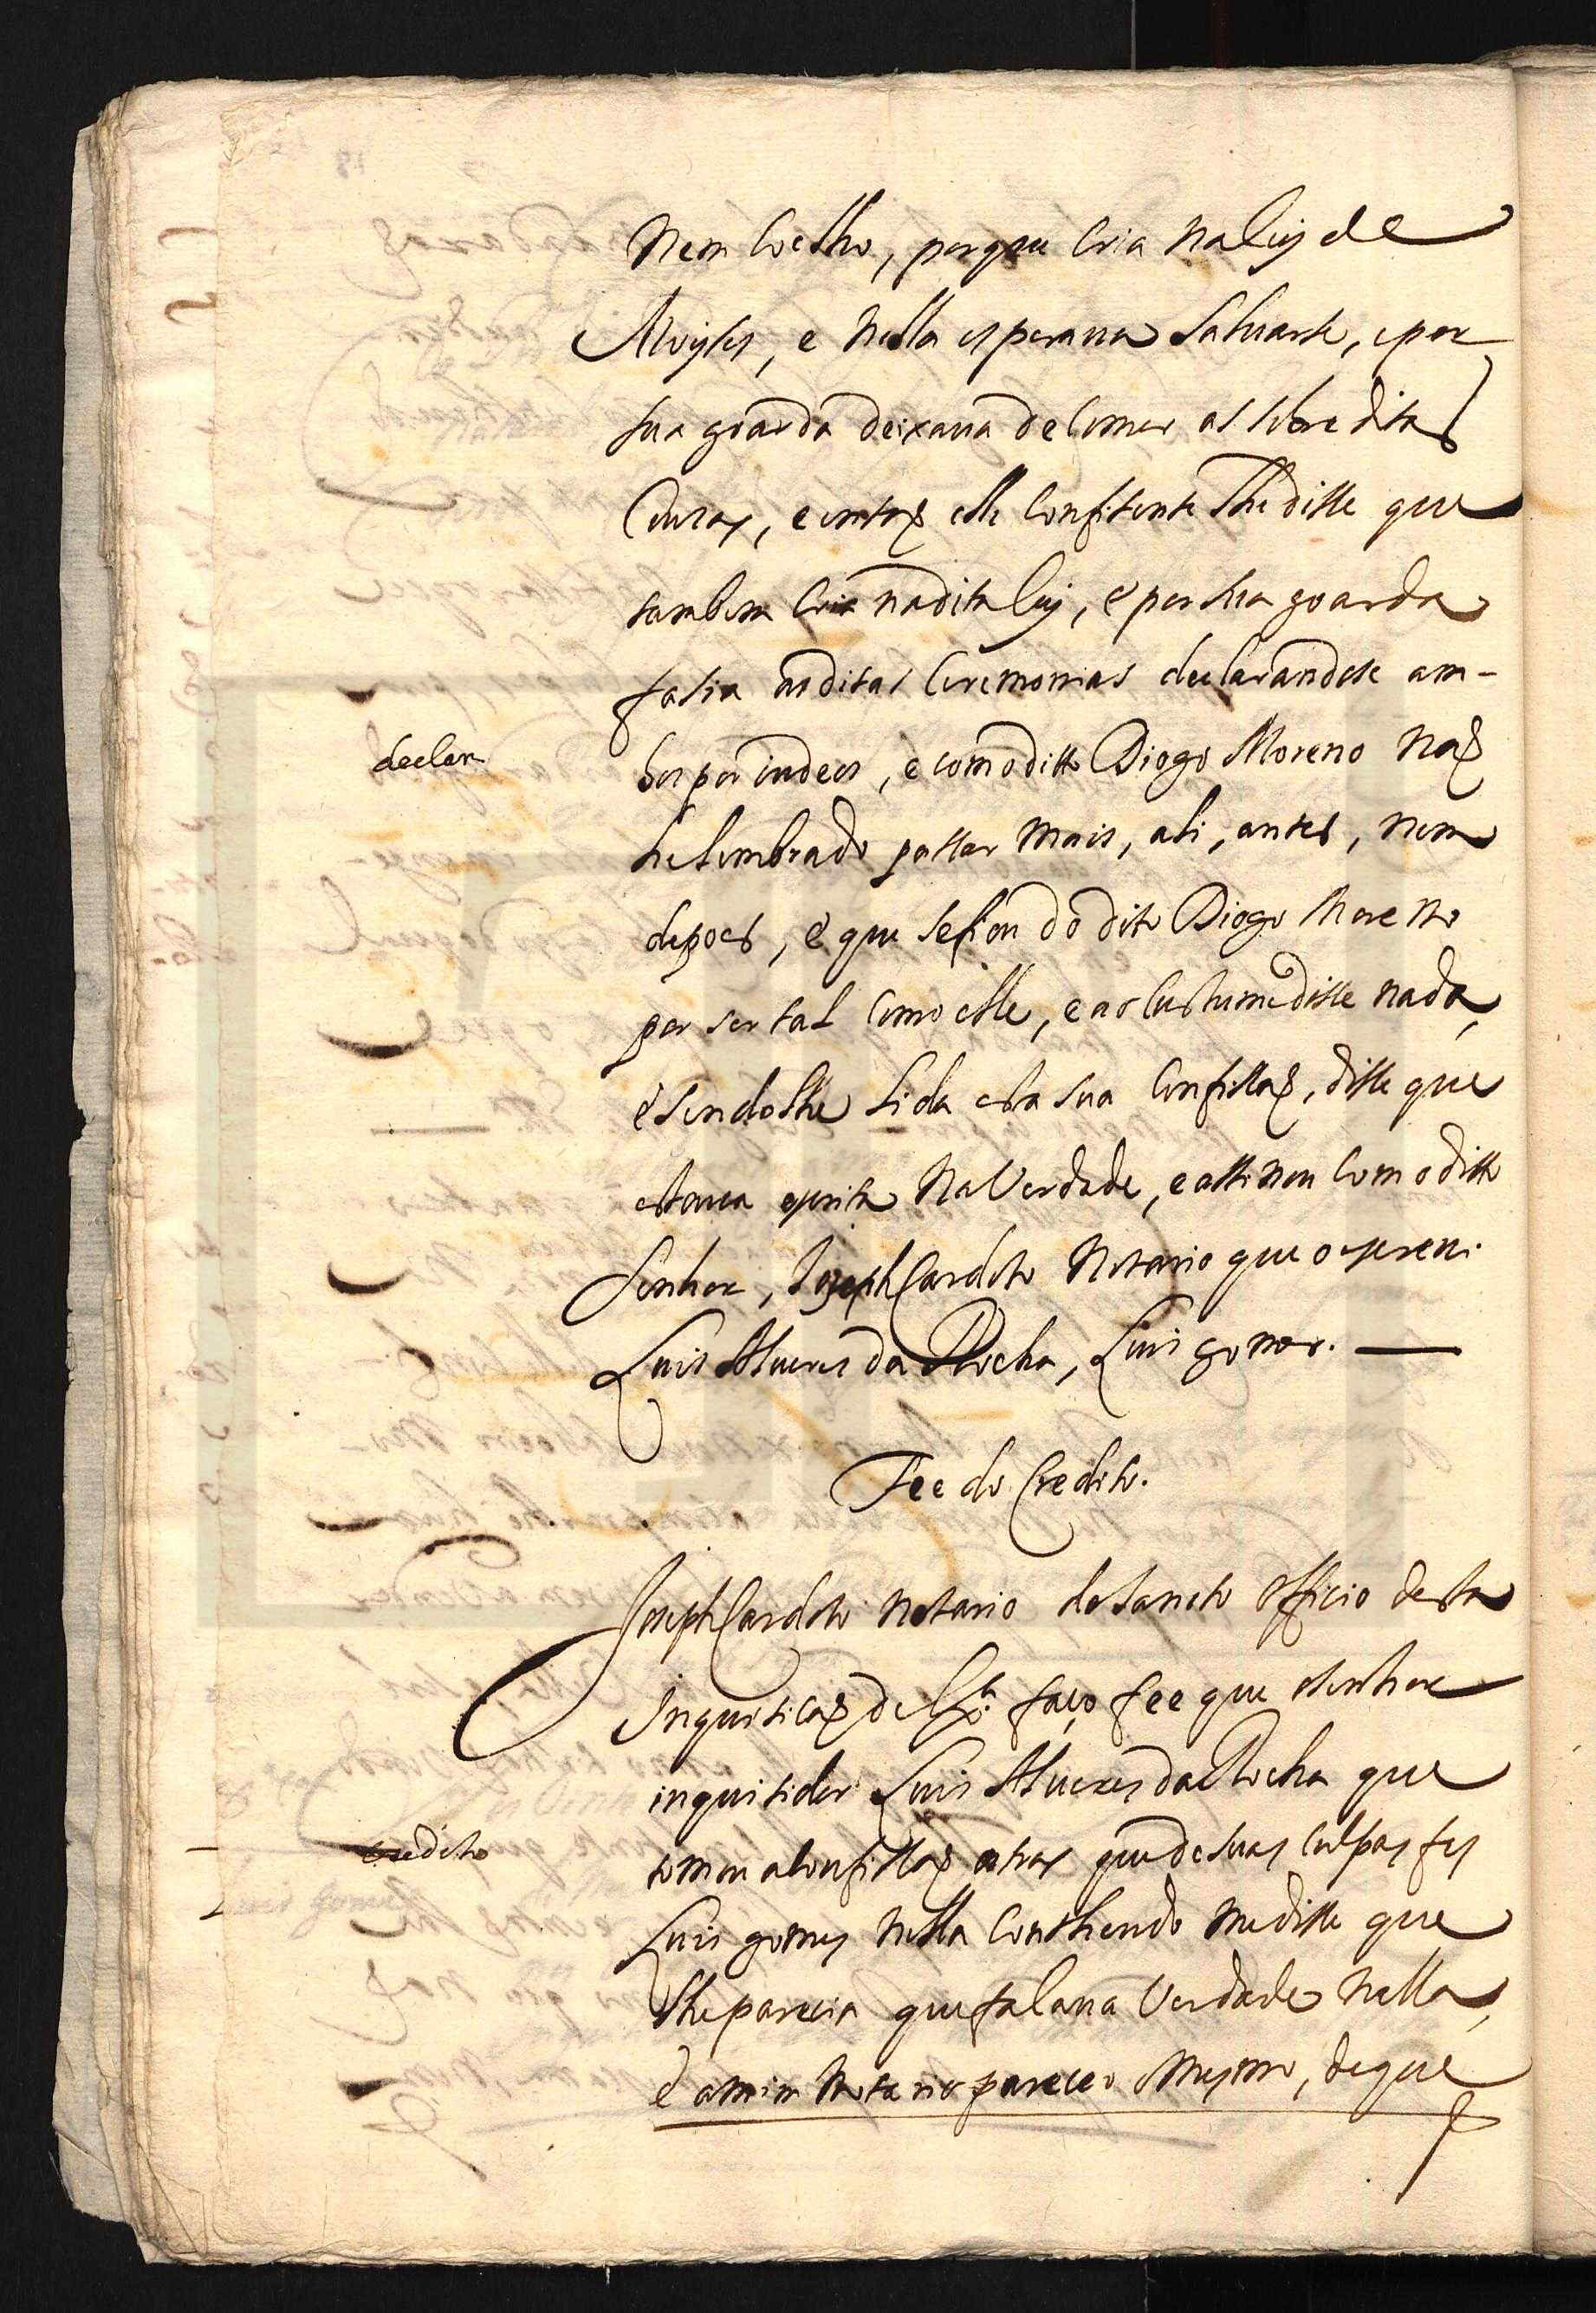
declar
credito
nem Coelho, porque cria na ley de
Moyses, e nella esperaua saluarse, e por
sua goarda deixaua de comer as sobreditas
Couzas, e entaõ elle confitente lhe disse que
tambem cria na dita ley, e por sua goarda
fasia as ditas Ceremonias declarandose am
bos por iudeos, e com o ditto Diogo Moreno naõ
he lembrado passar mais, ali, antes, nem
depoes, e que se fiou do dito Diogo Moreno
por ser tal como elle, e ao Custume disse nada,
e sendolhe lida esta sua confissaõ, disse que
estaua escrita na Verdade, e assinou com o ditto
Senhor, Ioseph Cardoso Notario que o escreui
Luis Alueres da Rocha, Luis gomes
Fee do Credito.
Joseph Cardoso notario do Sancto Officio desta
Inquisiçaõ de Lx.a faço fee que o senhor
inquisidor Luis Alueres da Rocha que
tomou a confissaõ atras que de suas culpas fez
Luis gomes nella contheudo me disse que
lhe parecia que falaua verdade nella,
e a mim Notario pareceo o mesmo, de que
